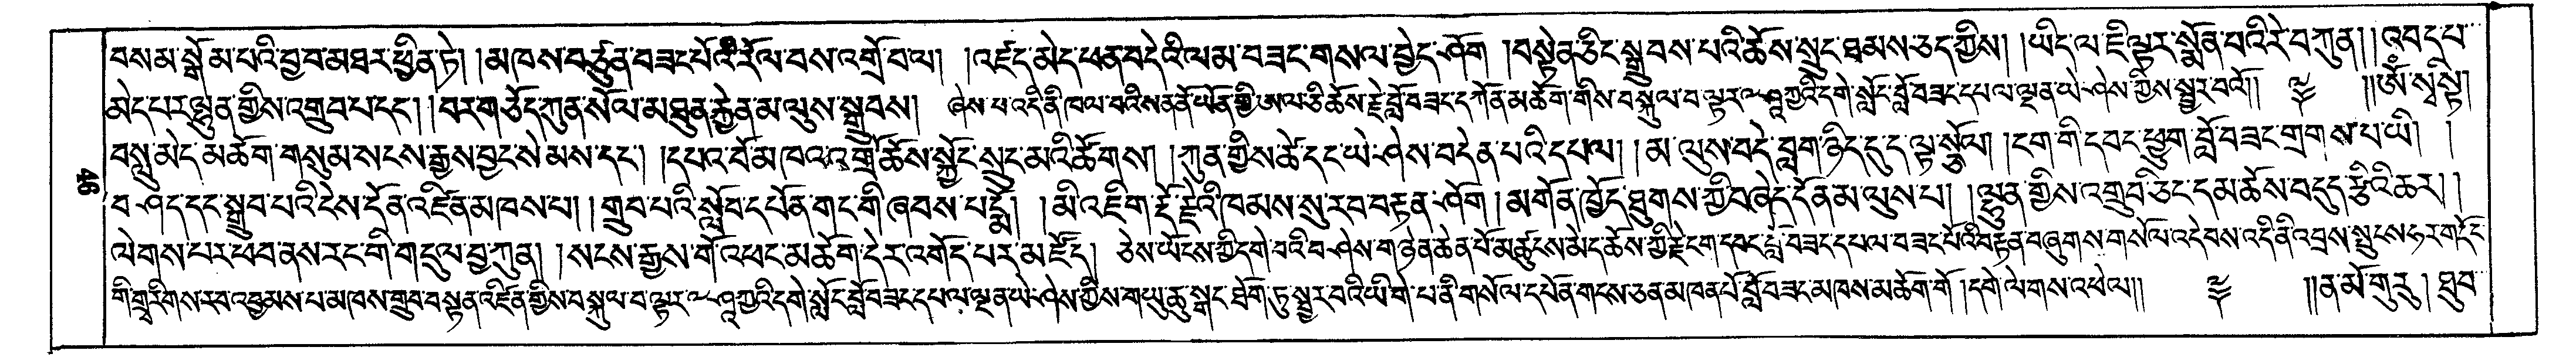བསམ་སྒོམ་པའི་བྱ་བ་མཐར་ཕྱིན་ཏེ། །མཁས་བཙུན་བཟང་པོའི་རོལ་པས་འགྲོ་བ་ལ། །འཛད་མེད་ཕན་བདེའི་ལམ་བཟང་གསལ་བྱེད་ཤོག །བསྟེན་ཅིང་སྒྲུབས་པའི་ཆོས་སྲུང་ཐམས་ཅད་ཀྱིས། །ཡིད་ལ་ཇི་ལྟར་སྨོན་པའི་རི་བ་ཀུན། །འབད་པ་
མེད་པར་ལྷུན་གྱིས་འགྲུབ་པ་དང་། །བར་གཅོད་ཀུན་སོལ་མཐུན་རྐྱེན་མ་ལུས་སྒྲུབས། ཞེས་པ་འདི་ནི་ཁལ་ཁའི་སན་ནོ་ཡོན་གྱི་ཨལ་ཆི་ཆོས་རྗེ་བློ་བཟང་དཀོན་མཆོག་གིས་བསྐུལ་བ་ལྟར ༧ཤཱཀྱའི་དགེ་སློང་བློ་བཟང་དཔལ་ལྡན་ཡེ་ཤེས་ཀྱིས་སྦྱར་བའོ།། ༈ །།ཨོཾ་སྭ་སྟི།
བསླུ་མེད་མཆོག་གསུམ་སངས་རྒྱས་བྱང་སེམས་དང་། །དཔའ་བོ་མཁའ་འགྲོ་ཆོས་སྐྱོང་སྲུང་མའི་ཚོགས། །ཀུན་གྱིས་ཚེ་དང་ཡེ་ཤེས་བདེན་པའི་དཔལ། །མ་ལུས་བདེ་བླག་ཉིད་དུ་ད་ལྟ་སྩོལ། །ངག་གི་དབང་ཕྱུག་བློ་བཟང་གྲགས་པ་ཡི།།
བཤད་དང་སྒྲུབ་པའི་ངེས་དོན་འཛིན་མཁས་པ། །གྲུབ་པའི་སློབ་དཔོན་གང་གི་ཞབས་པདམོ། །མི་འཇིག་རྡོ་རྗེའི་ཁམས་སུ་རབ་བརྟན་ཤོག །མགོན་ཁྱོད་ཐུགས་ཀྱི་བཞེད་དོན་མ་ལུས་པ། །ལྷུན་གྱིས་འགྲུབ་ཅིང་དམ་ཆོས་བདུད་རྩིའི་ཆར།།
ལེགས་པར་ཕབ་ནས་རང་གི་གདུལ་བྱ་ཀུན། །སངས་རྒྱས་གོ་འཕང་མཆོག་དེར་འགོད་པར་མཛོད། ཅེས་ཡོངས་ཀྱི་དགེ་བའི་བཤེས་གཉེན་ཆེན་པོ་མཚུངས་མེད་ཆོས་ཀྱི་རྗེ་ངག་དབང་བློ་བཟང་དཔལ་བཟང་པོའི་བརྟན་བཞུགས་གསོལ་འདེབས་འདི་ནི་འབྲས་སྤུངས་ཧར་གདོང་
གི་གྲྭ་རིགས་རབ་འབྱམས་པ་མཁས་གྲུབ་བསྟན་འཛིན་གྱིས་བསྐུལ་བ་ལྟར ༧ཤཱཀྱའི་དགེ་སློང་བློ་བཟང་དཔལ་ལྡན་ཡེ་ཤེས་ཀྱིས་གཡུ་ཆུ་སྒར་ཐོག་ཏུ་སྦྱར་བའི་ཡི་གེ་པ་ནི་གསོལ་དཔོན་གངས་ཅན་མཁན་པོ་བློ་བཟང་མཁས་མཆོག་གོ །དགེ་ལེགས་འཕེལ།། ༈ །།ན་མོ་གུ་རུ། ཐུབ་